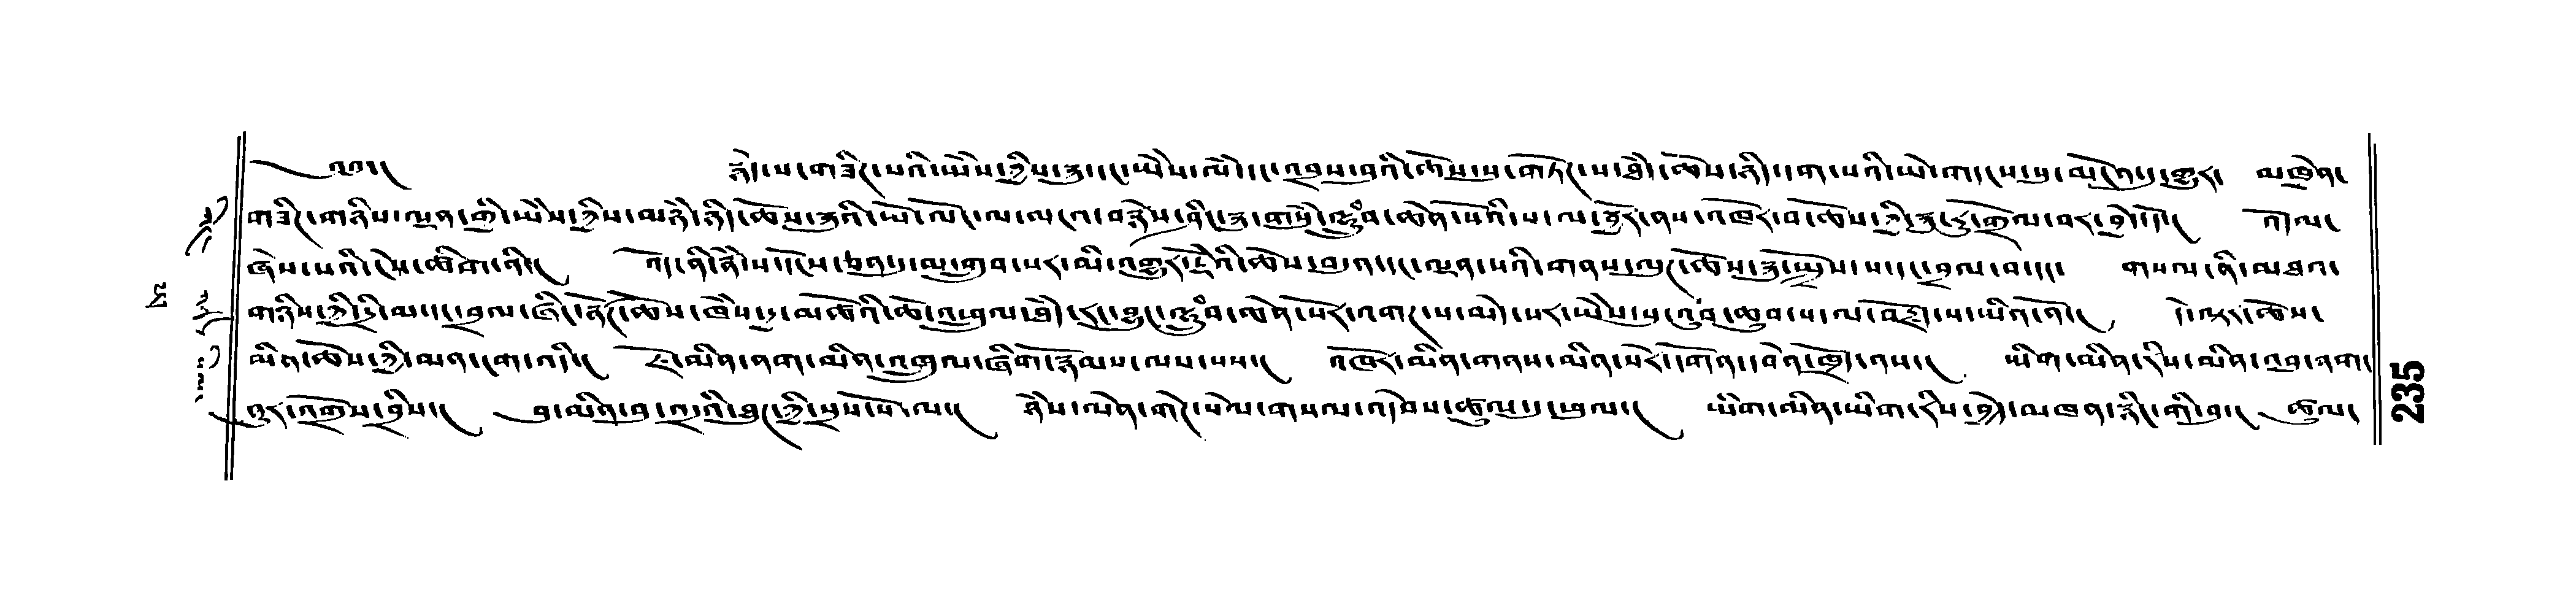སྙེད་པ་གཟིགས་པའི་ཡེ་ཤེས་ཀྱིས་སྐུ་དང་ཡེ་ཤེས་ལམ་དང་འབྲས་བུའི་ཆོས་སུ་གཏོགས་པ་ཐམས་ཅད་ཆོས་ཉིད་དག་པའི་ཡེ་གདངས་སུ་མངོན་དུ་གྱུར། མཁྱེན་
གཟིགས་གཉིས་ལྡན་གྱི་ཡེ་ཤེས་ཀྱིས་མཉམ་ཉིད་ཆོས་སྐུའི་ཡོ་ལོང་ལ་མངའ་བརྙེས་ཤིང་སྐུ་གསུམ་ལྷུན་གྲུབ་ཆེན་པོའི་ས་ལ་སྦྱོར་ནས་འཁོར་བ་ཆོས་ཀྱི་སྐུ་རུ་གྲོལ་བར་བྱེད་དོ། འོད་གསལ་
ཞེས་པའི་ངེས་ཚིག་ནི། འོད་ནི་རྣམ་པ་དངོས་ཅན་དུ་མ་གྲུབ་པར་མི་འགྱུར་རྡོ་རྗེའི་ཆོས་བདུན་དང་ལྡན་པའི་གནས་ལུགས་ཆོས་སྐུ་སྤྲོས་པ་དང་བྲལ་བ་དང་། གསལ་ནི་མཐའ་
གཉིས་ཀྱི་དྲི་མ་དང་བྲལ་ཞིང་སྣ་ཚོགས་ཆོས་ཁམས་རྒྱ་མཚོའི་ཆོ་འཕྲུལ་ཐམས་ཅད་རང་བྱུང་ལྷུན་གྲུབ་ཆེན་པོར་འགགས་པ་མེད་པར་ཡེ་ཤེས་སུ་འུབ་ཆུབ་པ་ལ་བརྗོད་པ་ཡིན་ནོ། དེ་ལྟར་ཆོས་
མིན་ཆོས་ཀྱི་མན་ངག་འདི། །ཇོ་མིན་ནག་མིན་འཁྲུལ་ཞིག་སྙོམས་ལས་པས། །འཁོར་མིན་གནས་མིན་སེར་དགོན་དབེན་ཁྲོད་ནས། ཡིག་མིན་རིས་མིན་འབུ་ནག་
ནུར་འགྲོས་བྲིས། །བུ་མིན་བུ་འདྲའི་ཐུགས་ཀྱི་སྲས་པོ་ལ། ཉམས་ལེན་གེགས་སེལ་གསལ་འདེབས་ཚུལ་དུ་ཕུལ། །ཡིག་མིན་ཡིག་རིས་བྱེད་མཁན་སྙིང་གི་བུ། །ཚུལ་